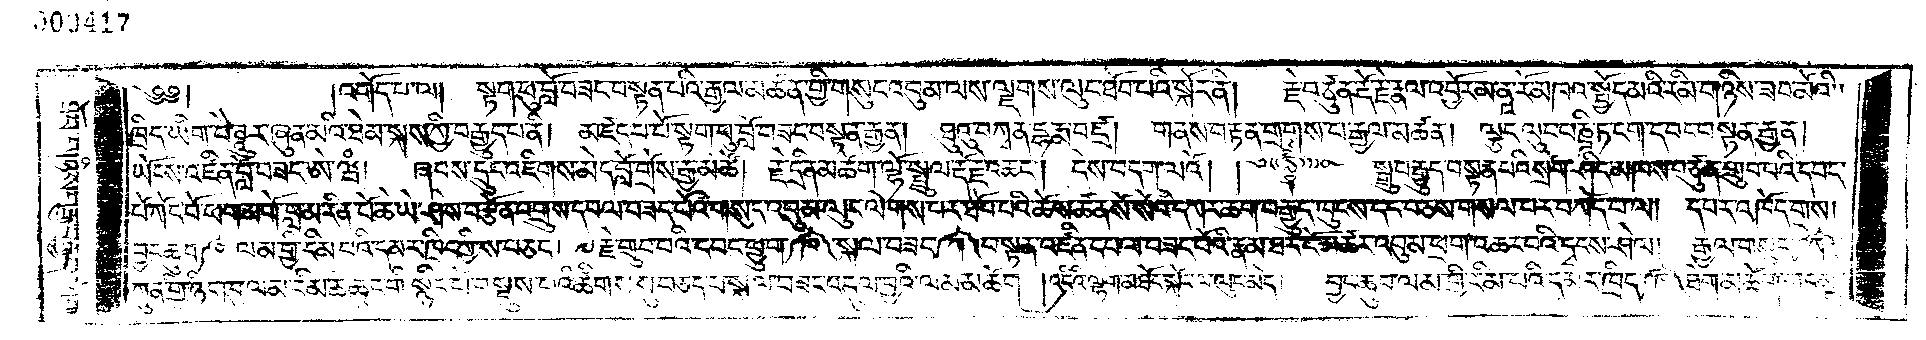༄༅། །འགོད་པ་ལ། སྟག་ཕུ་བློ་བཟང་བསྟན་པའི་རྒྱལ་མཚན་གྱི་གསུང་འབུམ་ལས་ལྗགས་ལུང་ཐོབ་པའི་སྐོར་ནི། རྗེ་བཙུན་རྡོ་རྗེ་རྣལ་འབྱོར་མ་ནཱ་རོ་མཁའ་སྤྱོད་མའི་རིམ་གཉིས་ཟབ་མོའི་
ཁྲིད་ཡིག་བཻ་ཌཱུར་ཞུན་མའི་ཐེམ་སྐས་ཀྱི་བརྒྱུད་པ་ནི། མཛད་པ་པོ་སྟག་ཕུ་བློ་བཟང་བསྟན་རྒྱུན། ཐུའུ་བཀྭན་དྷམྲ་བཛྲ། གནས་བརྟན་གྲགས་པ་རྒྱལ་མཚན། ལྕུང་ལུང་པཎྜི་ཏ་ངག་དབང་སྟན་རྒྱན།
ཡོངས་འཛིན་བློ་བཟང་ཨེ་ཝཾ། ཞབས་དྲུང་འཇིགས་མེད་བློ་གྲོས་རྒྱ་མཚོ། རྗེ་དྲིན་མཆོག་ལྷོ་སྤྲུལ་རྡོ་རྗེ་འཆང་། དེས་བདག་ལའོ། །སྒྲུབ་རྒྱུད་བསྟན་པའི་སྲོག་ཤིང་མཁས་བཙུན་གྲུབ་པའི་དབང་
པོ་གོང་པོ་ཕྱག་མགོ་བླ་མ་རིན་པོ་ཆེ་ཡེ་ཤེས་བརྩོན་འགྲུས་དཔལ་བཟང་པོའི་གསུང་འབུམ་ལུང་ལེགས་པར་ཐོབ་པའི་ཆོས་ཚན་སོ་སོའི་དཀར་ཆག་བརྒྱུད་ཁུངས་དང་བཅས་གསལ་བར་བཀོད་པ་ལ། དཔར་འཁོད་གྲས།
བྱང་ཆུབ ༼྾་ལམ་གྱི་རིམ་པའི་དམར་ཁྲིད་ཀྱི་ས་བཅད། ༧རྗེ་གྲུབ་པའི་དབང་ཕྱུག་༽ཁ༼་སྐལ་བཟང་༽ཀ༼་བསྟན་འཛིན་དཔལ་བཟང་པོའི་རྣམ་ཐར་ངོ་མཚན་འབུམ་ཕྲག་འཆར་བའི་དྭངས་ཤེལ། རྒྱལ་ཚུང་༽ཀ
ཀུན་གྱི་ཉིང་ཁུ་ལམ་རིམ་ཆེ་ཆུང་གི་སྙིང་པོ་བསྡུས་པའི་ཚིགས་སུ་བཅད་པ་སྐལ་བཟང་འདུལ་བྱའི་ལམ་མཆོག །འདིའི་ལྷག་མཐོང་སྐོར་ལུང་མེད། བྱང་ཆུབ་ལམ་གྱི་རིམ་པའི་དམར་ཁྲིད ༼ཁ༽ ཐེག་མཆོག་གདམས་